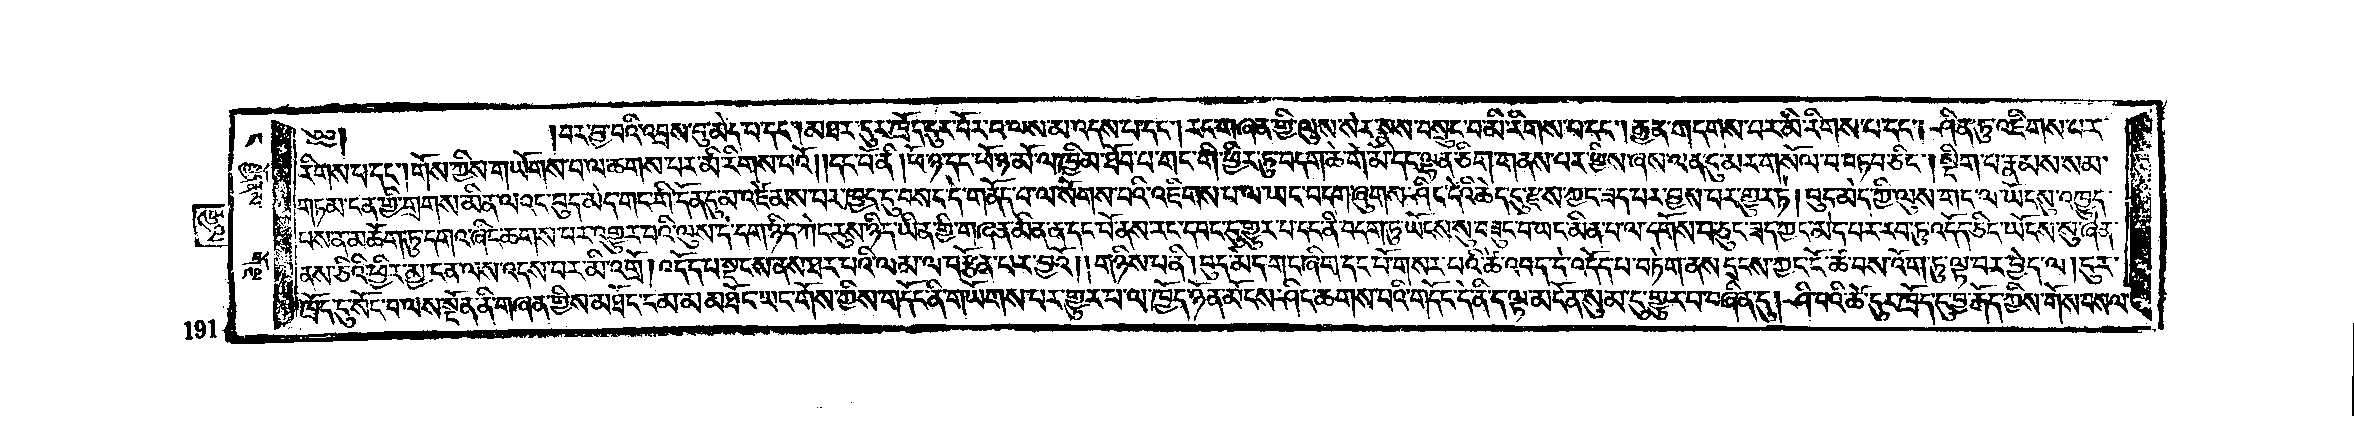༄༅། །བར་བྱ་བའི་འབྲས་བུ་མེད་པ་དང་། མཐར་དུར་ཁྲོད་དུར་བོར་བ་ལས་མ་འདས་པ་དང་། རང་གཞན་གྱི་ལུས་སེར་སྣས་བསྲུང་བ་མི་རིགས་པ་དང་། རྒྱན་གདགས་པར་མི་རིགས་པ་དང་། ཤིན་ཏུ་འཇིགས་པར་
རིགས་པ་དང་། གོས་ཀྱིས་གཡོགས་པ་ལ་ཆགས་པར་མི་རིགས་སོ། །དང་པོ་ནི། ཕོ་ཉ་དང་ཕོ་ཉ་མོ་ལ་ཁྱིམ་ཐོབ་པ་གང་གི་ཕྱིར་ཏུ་བདག་ཆེ་གོ་མོ་དང་ལྷན་ཅིག་གནས་པར་ཕྱིས་ཞས་ལན་དུ་མར་གསོལ་བ་བཏབ་ཅིང་། སྡིག་པ་རྣམས་སམ་
གཏམ་ངན་གྱི་གྲགས་མིན་ལའང་བུད་མེད་གང་གི་དོན་དུ་མ་འཛེམས་པར་ཁྱད་དུ་བསད་དེ་གནོད་པ་ལ་སོགས་པའི་འཇིགས་པ་ལ་ཡང་བདག་ཞུགས་ཤིང་དེའི་ཆེད་དུ་རྫས་ཀྱང་ཟད་པར་བྱས་པར་གྱུར་ཏེ། བུད་མེད་ཀྱི་ལུས་གང་ལ་ཡོངས་སུ་འཁྱུད་
པས་ན་མཆོག་ཏུ་དགའ་ཞིང་ཆགས་པར་འགྱུར་བའི་ལུས་དེ་དག་ཉིད་ཀེང་རུས་ཉིད་ཡིན་གྱི་གཞན་མིན་ན་དང་པོ་ནས་རང་དབང་དུ་གྱུར་པ་དང་ནི་བདག་ཏུ་ཡོངས་སུ་བཟུང་བ་ཡང་མིན་པ་ལ་དགོས་པ་ཅུང་ཟད་ཀྱང་མེད་པར་རབ་ཏུ་འདོད་ཅིང་ཡོངས་སུ་ཞེན་
ནས་ཅིའི་ཕྱིར་མྱ་ངན་ལས་འདས་པར་མི་འགྲོ་།འདོད་པ་སྡངས་ནས་ཐར་པའི་ལམ་ལ་བརྩོན་པར་བྱའོ། །གཉིས་པ་ནི། བུད་མེད་གང་ཞིག་དང་པོ་གསར་བའི་ཚེ་འབད་དེ་འདོད་པ་བཏེག་ནས་དྲངས་ཀྱང་ངོ་ཚ་བས་འོག་ཏུ་ལྟ་བར་བྱེད་ལ། དུར་
ཁྲོད་དུ་སོང་བ་ལས་སྔོན་ནི་གཞན་གྱིས་མཐོང་ངམ་མ་མཐོང་ཡང་གོས་ཀྱིས་གདོང་ནི་གཡོགས་པར་གྱུར་པ་ལ་ཁྱོད་ཉོན་མོངས་ཤིང་ཆགས་པའི་གདོང་དེ་ནི་ད་ལྟ་མངོན་སུམ་དུ་གྱུར་པ་བཞིན་དུ། ཤི་བའི་ཚེ་འདུར་ཁྲོད་དུ་བྱ་རྒོད་ཀྱིས་གོས་བསལ་